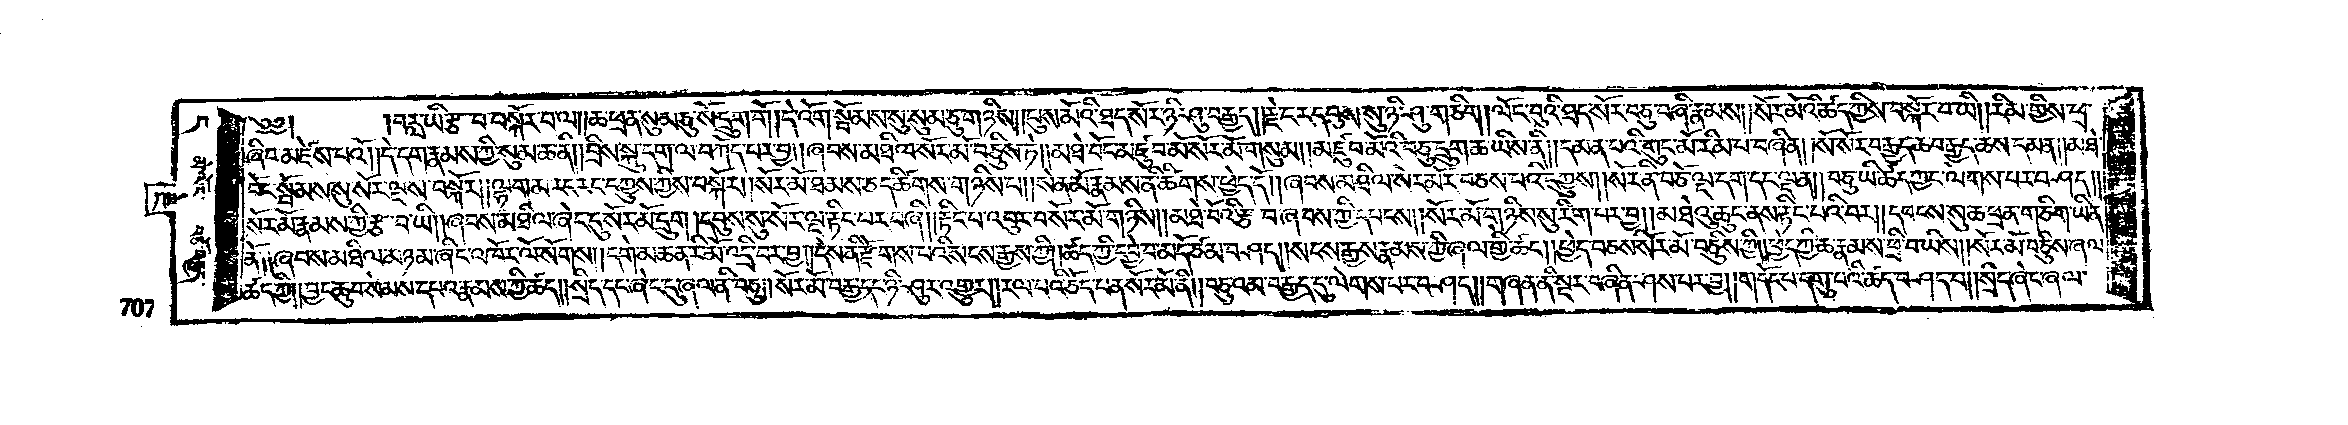༄༅། །བརླ་ཡི་རྩ་བ་བསྐོར་བ་ལ། །ཆ་ཕྲན་སུམ་ཅུ་སོ་དྲུག་གོ །དེ་འོག་སྤོམས་སུ་སུམ་ཅུ་གཉིས། །པུས་མོའི་ཐད་སོར་ཉི་ཤུ་བརྒྱད། །རྗེ་ངར་དབུས་སུ་ཉི་ཤུ་གཅིག །ལོང་བུའི་ཐད་སོར་བཅུ་བཞི་རྣམས། །སོར་མོའི་ཚད་ཀྱིས་བསྐོར་བ་ཡི། །རིམ་གྱིས་ཕྲ་
ཞིབ་མཛེས་པའོ། །དེ་དག་རྣམས་ཀྱི་སུམ་ཆ་ནི། །བྲིས་སྐུ་དག་ལ་བཀོད་པར་བྱ། །ཞབས་མཐིལ་སོར་མོ་བཅུས་གཉིས་ཏེ། །མཐེ་བོང་མཛུབ་མོ་སོར་མོ་གསུམ། །མཛུབ་མོའི་བཅུ་དྲུག་ཆ་ཡིས་ནི། །དམན་པའི་གུང་མོ་རིམ་པ་བཞིན། །སོ་སོར་བརྒྱད་ཆ་བརྒྱད་ཆས་དམན། །མཐེ་
བོང་སྤོམས་སུ་སོར་ལྔས་བསྐོར། །ལྷག་མ་རང་རང་དཀྱུས་ཀྱིས་བསྐོར། །སོར་མོ་ཐམས་ཅད་ཚིགས་གཉིས་པ། །སེན་མོ་རྣམས་ནི་ཚིགས་ཕྱེད་དོ། །ཞབས་མཐིལ་སེར་མོར་བཅས་པའི་དཀྱུས། །སོར་ནི་བཅོ་ལྔ་དག་དང་ལྡན། །བཅུ་ཡི་ཚད་ཀྱང་ལེགས་པར་བཤད། །
སོར་མོ་རྣམས་ཀྱི་རྩ་བ་ཡི། །ཞབས་མཐིལ་ཞེང་དུ་སོར་མོ་དྲུག །དབུས་སུ་སོར་ལྔ་རྟིང་པར་བཞི། །རྟིང་པ་འབུར་བ་སོར་མོ་གཉིས། །མཐེ་བོའི་རྩ་བ་ཞབས་ཀྱི་དཔངས། །སོར་མོ་གཉིས་སུ་རིག་པར་བྱ། །མཐེའུ་ཆུང་ནས་རྟིང་པའི་བར། །དབངས་སུ་ཆ་ཕྲན་གཅིག་ཡིན་
ནོ། །ཞབས་མཐིལ་མཉམ་ཞིང་འཁོར་ལོ་སོགས། །དགེ་མཚན་རི་མོ་འདྲི་བར་བྱ། །དེས་ནི་རྫོགས་པའི་སངས་རྒྱས་ཀྱི། །ཚད་ཀྱི་དབྱེ་བ་མདོ་ཙམ་བཤད། །སངས་རྒྱས་རྣམས་ཀྱི་ཞལ་གྱི་ཚང་། །ཕྱེད་བཅས་སོར་མོ་བཅུས་གཉིས་ཀྱི། །ཕྱེད་ཀྱི་ཆ་རྣམས་ཕྲི་བ་ཡིས། །སོར་མོ་བཅུས་གཉིས་ཞལ་
ཚད་ཀྱི། །བྱང་ཆུབ་སེམས་དཔའ་རྣམས་ཀྱི་ཚད། །སྲིད་དང་ཞེང་དུ་ཞལ་ནི་བཅུ། །སོར་མོ་བརྒྱ་དང་ཉི་ཤུར་འགྱུར། །རལ་པའི་ཅོད་པན་སོར་མོ་ནི། །བཅུ་འམ་བརྒྱད་དུ་ལེགས་པར་བཤད། །གཞན་ནི་སྔར་བཞིན་ཤེས་པར་བྱ། །གདོང་པ་དགུ་པའི་ཚད་བཤད་པ། །སྲིད་ཞེང་ཞལ་